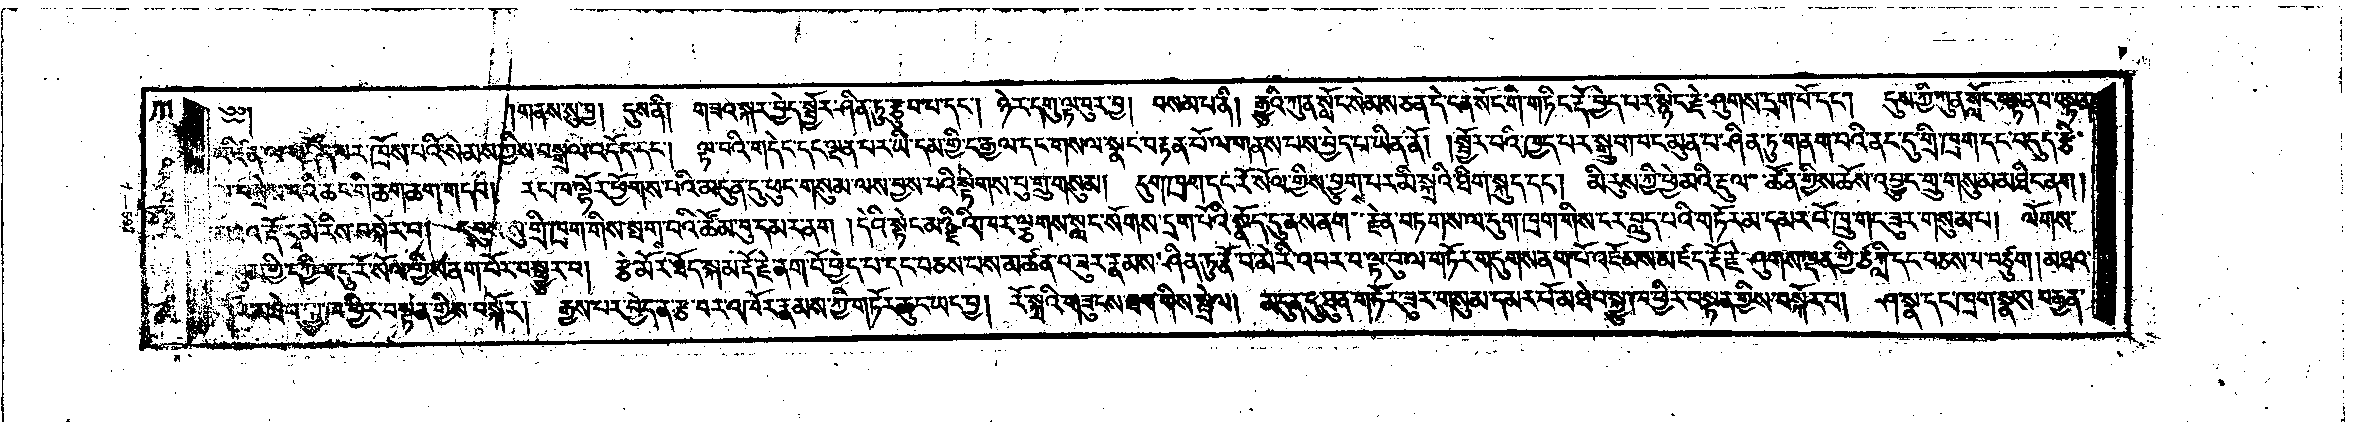༄༅། །གནས་སུ་བྱ། དུས་ནི། གཟའ་སྐར་བྱེད་སྦྱོར་ཤིན་ཏུ་རྩུབ་པ་དང་། ཉེར་དགུ་ལྟ་བུར་བྱ། བསམ་པ་ནི། རྒྱུའི་ཀུན་སློང་སེམས་ཅན་དེ་ངན་སོང་གི་གཏིང་རྡོ་བྱེད་པར་སྙིང་རྗེ་ཤུགས་དྲག་པོ་དང་། དུས་ཀྱི་ཀུན་སློང་བསྟན་པ་བསྟན་
འཛིན་ལ་གནོད་པར་ཁྲོས་པའི་སེམས་ཀྱིས་བསྒྲལ་འདོད་དང་། ལྟ་བའི་གདེང་དང་ལྡན་པར་ཡི་དམ་གྱི་ང་རྒྱལ་དང་གསལ་སྣང་བརྟན་པོ་ལ་གནས་པས་བྱེད་པ་ཡིན་ནོ། །སྦྱོར་བའི་ཁྱད་པར་སྒྲུབ་ཁང་མུན་པ་ཤིན་ཏུ་གནག་པའི་ནང་དུ་གྲི་ཁྲག་དང་བདུད་རྩི་
ལྔ་བསྲེས་པའི་ཆང་གི་ཆག་ཆག་གདབ། རང་ཁ་ལྷོར་ཕྱོགས་པའི་མདུན་དུ་ཕུང་གསུམ་ལས་ཕྱས་པའི་སྟེགས་བུ་གྲུ་གསུམ། དུག་ཁྲག་དང་རོ་སོལ་གྱིས་བྱུགས་པར་མི་སྐྲའི་ཐིག་སྐུད་དང་། མི་རུས་ཀྱི་ཕྱེ་མའི་རྡུལ་ཚོན་གྱིས་ཆོས་འབྱུང་གྲུ་གསུམ་མཐིང་ནག།
མཐའ་རྡོ་རྭ་མེ་རིས་བསྐོར་བ། དབུས་སུ་གྲི་ཁྲག་གིས་སྤགས་པའི་ཚོམ་བུ་དམར་ནག། དེའི་སྟེང་མཉྫིའི་ཁར་ལྕགས་སླང་སོགས་དྲག་པོའི་སྣོད་དུ་ནས་ནག་རྗེན་བཏགས་ལ་དུག་ཁྲག་གིས་ངར་བླུད་པའི་གཏོར་མ་དམར་པོ་ཁྲུ་གང་ཟུར་གསུམ་པ། ལོགས་
གསུམ་གྱི་དཀྱིལ་དུ་རོ་སོལ་གྱིས་ནག་པོར་བསྒྱུར་བ། རྩེ་མོར་ཐོད་སྐམ་རྡོ་རྗེ་ནག་པོ་ཕྱེད་པ་དང་བཅས་པས་མཚན་པ་ཟུར་རྣམས་ཤིན་ཏུ་རྣོ་བ་མེ་རི་འབར་བ་ལྟ་བུ་ལ་གཏོར་གདུགས་ནག་པོ་འཇོམས་མཛད་རྡོ་རྗེ་ཤུགས་ལྡན་གྱི་ཙཀླི་དང་བཅས་པ་བཙུག །མཐའ་
སྐོར་མཐེབ་སྒྱུ་ཁ་ཕྱིར་བསྟན་གྱིས་བསྐོར། རྒྱས་པར་བྱེད་ན་རྩ་བར་འཁོར་རྣམས་ཀྱི་གཏོར་ཆུང་ཡང་བྱ། རོ་སྐྲའི་གཟུངས་ཐག་གིས་སྦྲེལ། མདུན་དུ་ཐུན་གཏོར་ཟུར་གསུམ་དམར་པོ་མཐེབ་སྒྱུ་ཁ་ཕྱིར་བསྟན་གྱིས་བསྐོར་བ། ཤ་སྣ་དང་ཁྲག་སྣས་བརྒྱན་